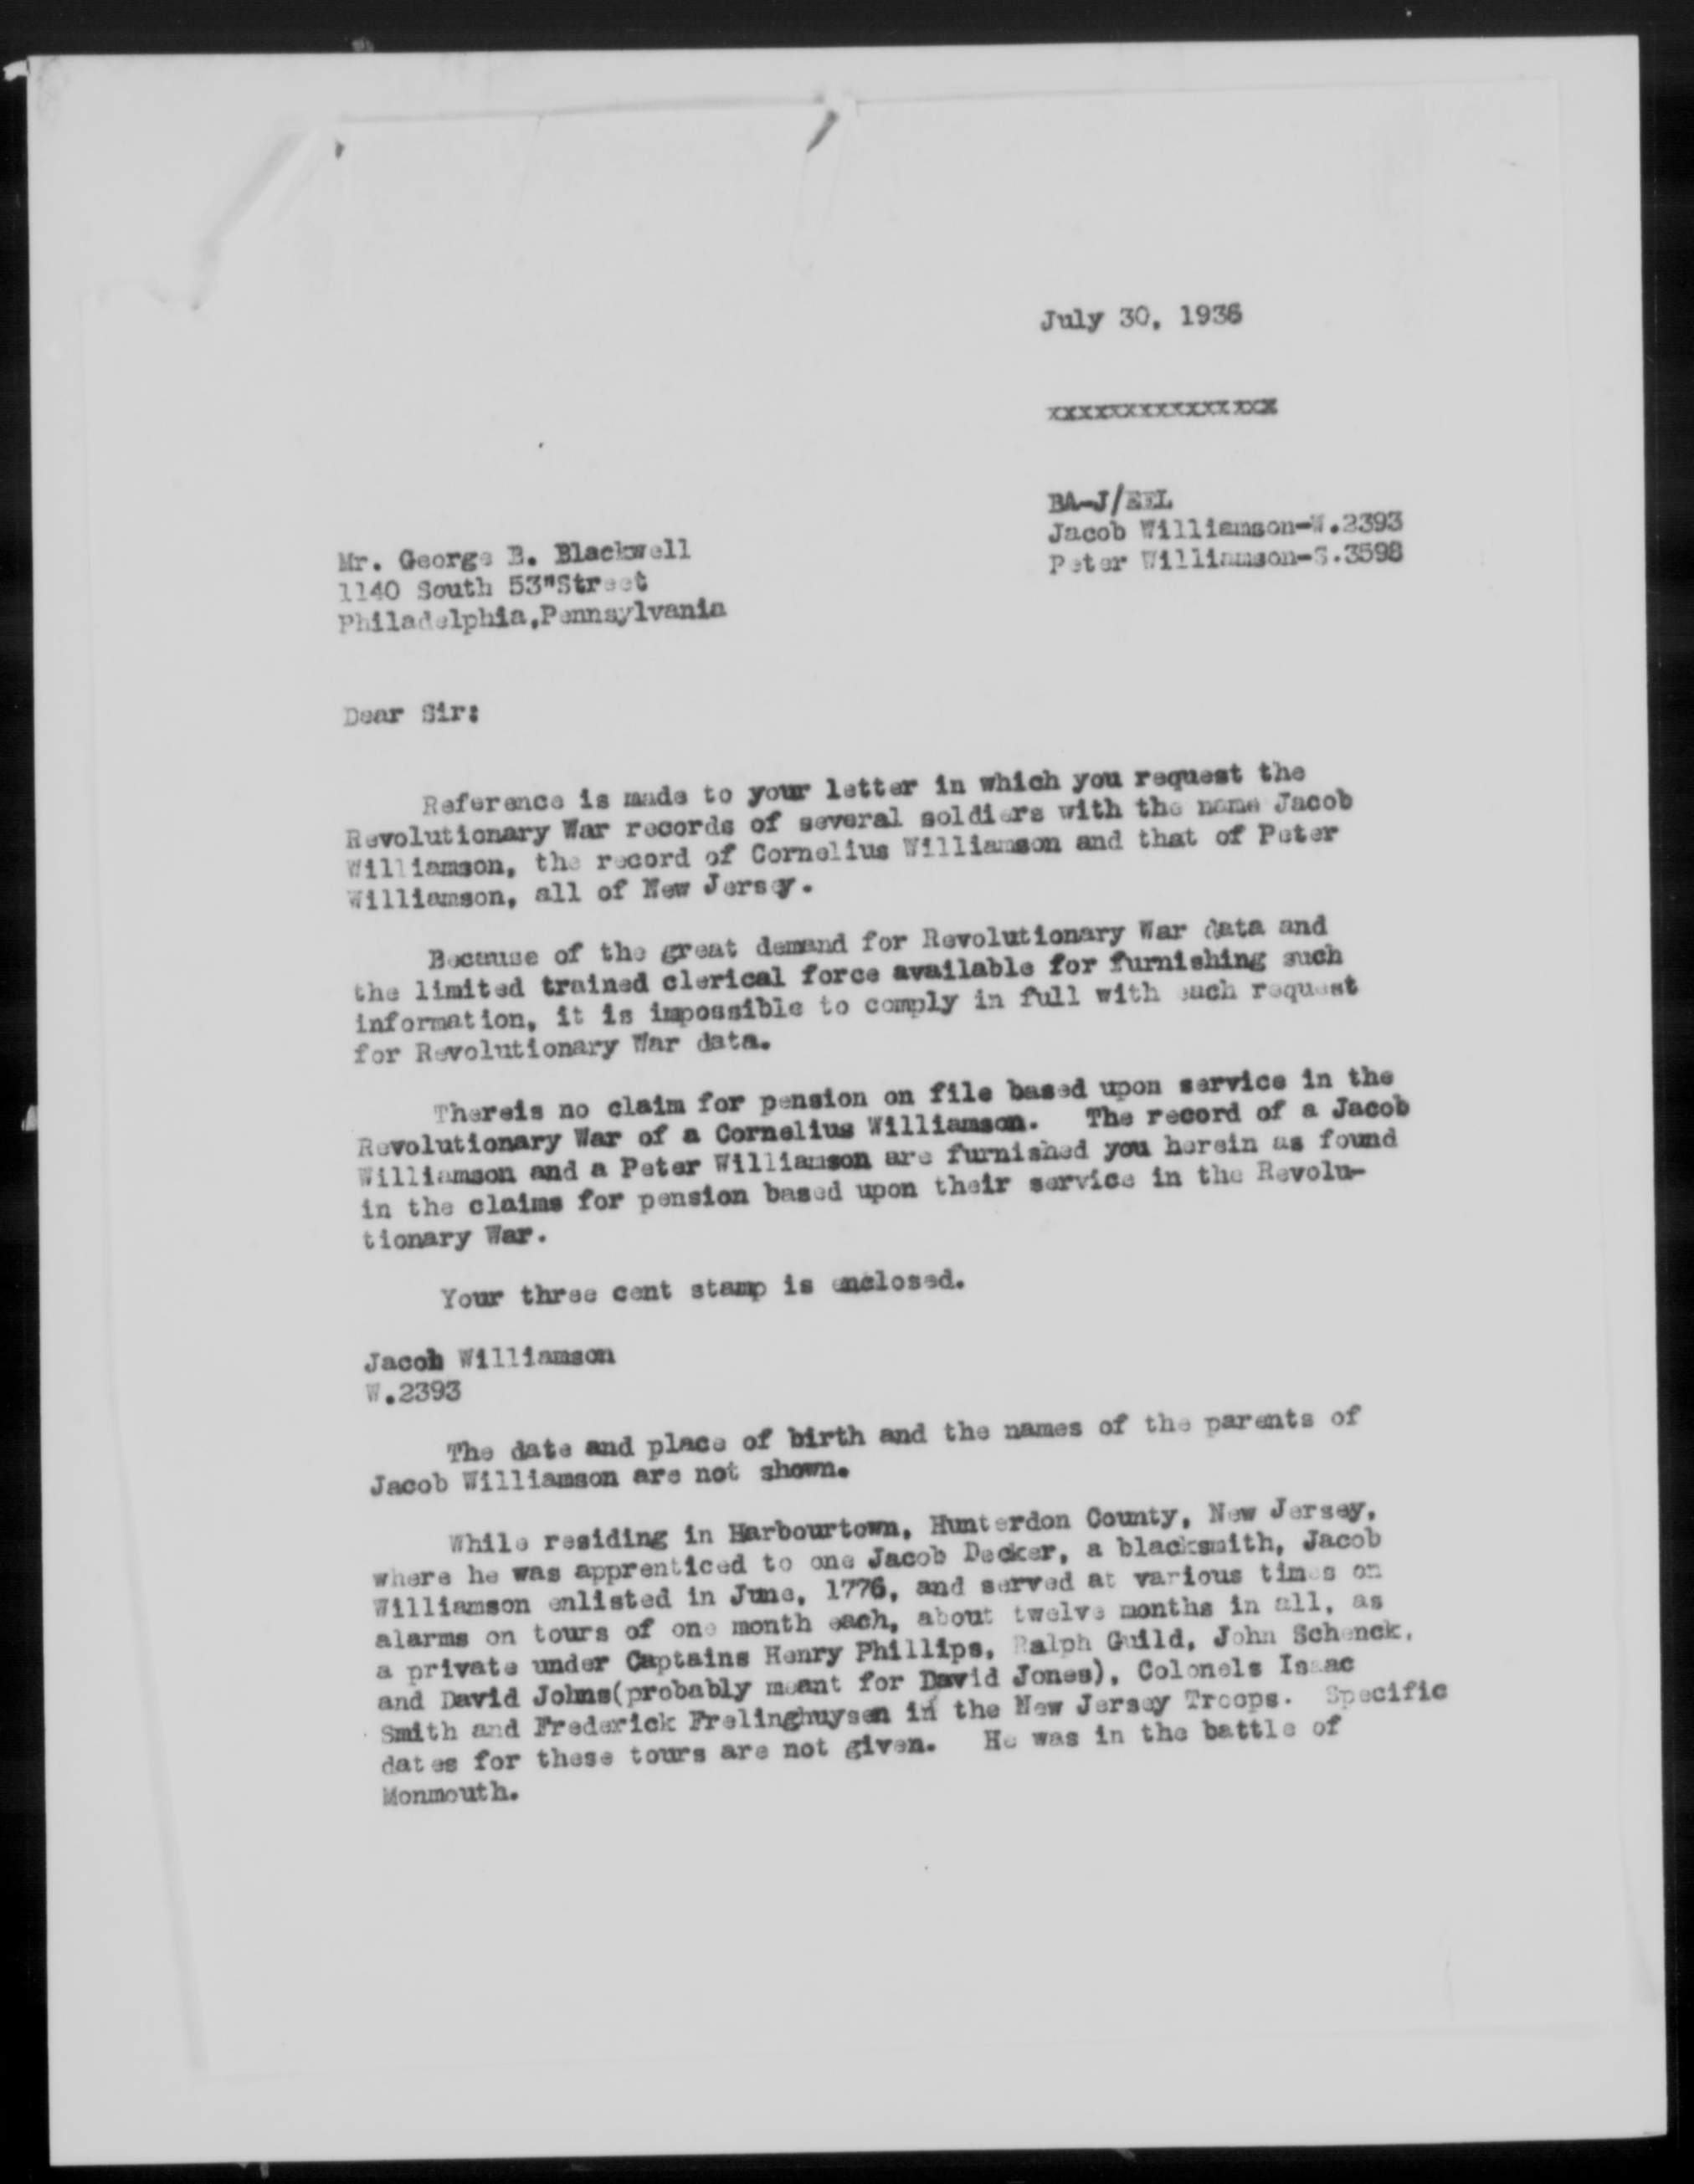July 30, 1936

BA-J/EEL
Jacob Williamson - W.2393
Peter Williamson - 3.3598

Mr. George B. Blackwell
1140 South 53rd Street
Philadelphia, Pennsylvania

Dear Sir:

Reference is made to your letter in which you request the Revolutionary War records of several soldiers with the name Jacob Williamson, the record of Cornelius Williamson and that of Peter Williamson, all of New Jersey.

Because of the great demand for Revolutionary War data and the limited trained clerical force available for furnishing such information, it is impossible to comply in full with such request for Revolutionary War data.

There is no claim for pension on file based upon service in the Revolutionary War of a Cornelius Williamson. The record of a Jacob Williamson and a Peter Williamson are furnished you herein as found in the claims for pension based upon their service in the Revolutionary War.

Your three cent stamp is enclosed.

Jacob Williamson
W.2393

The date and place of birth and the names of the parents of Jacob Williamson are not shown.

While residing in Harbourtown, Hunterdon County, New Jersey, where he was apprenticed to one Jacob Decker, a blacksmith, Jacob Williamson enlisted in June, 1776, and served at various times on alarms on tours of one month each, about twelve months in all, as a private under Captains Henry Phillips, Ralph Guild, John Schenck, and David Johns (probably meant for David Jones), Colonels Isaac Smith and Frederick Frelinghuysen in the New Jersey Troops. Specific dates for these tours are not given. He was in the battle of Monmouth...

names: John Schenck, Jacob Williamson, Ralph Guild, Henry Phillips, Isaac Smith, Frederick Frelinghuysen, David Jones, David Johns, Cornelius Williamson, Jacob Decker, George B Blackwell, Peter Williamson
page: 23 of 67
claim: widow's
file: W. 2393, Jacob Williamson, New Jersey